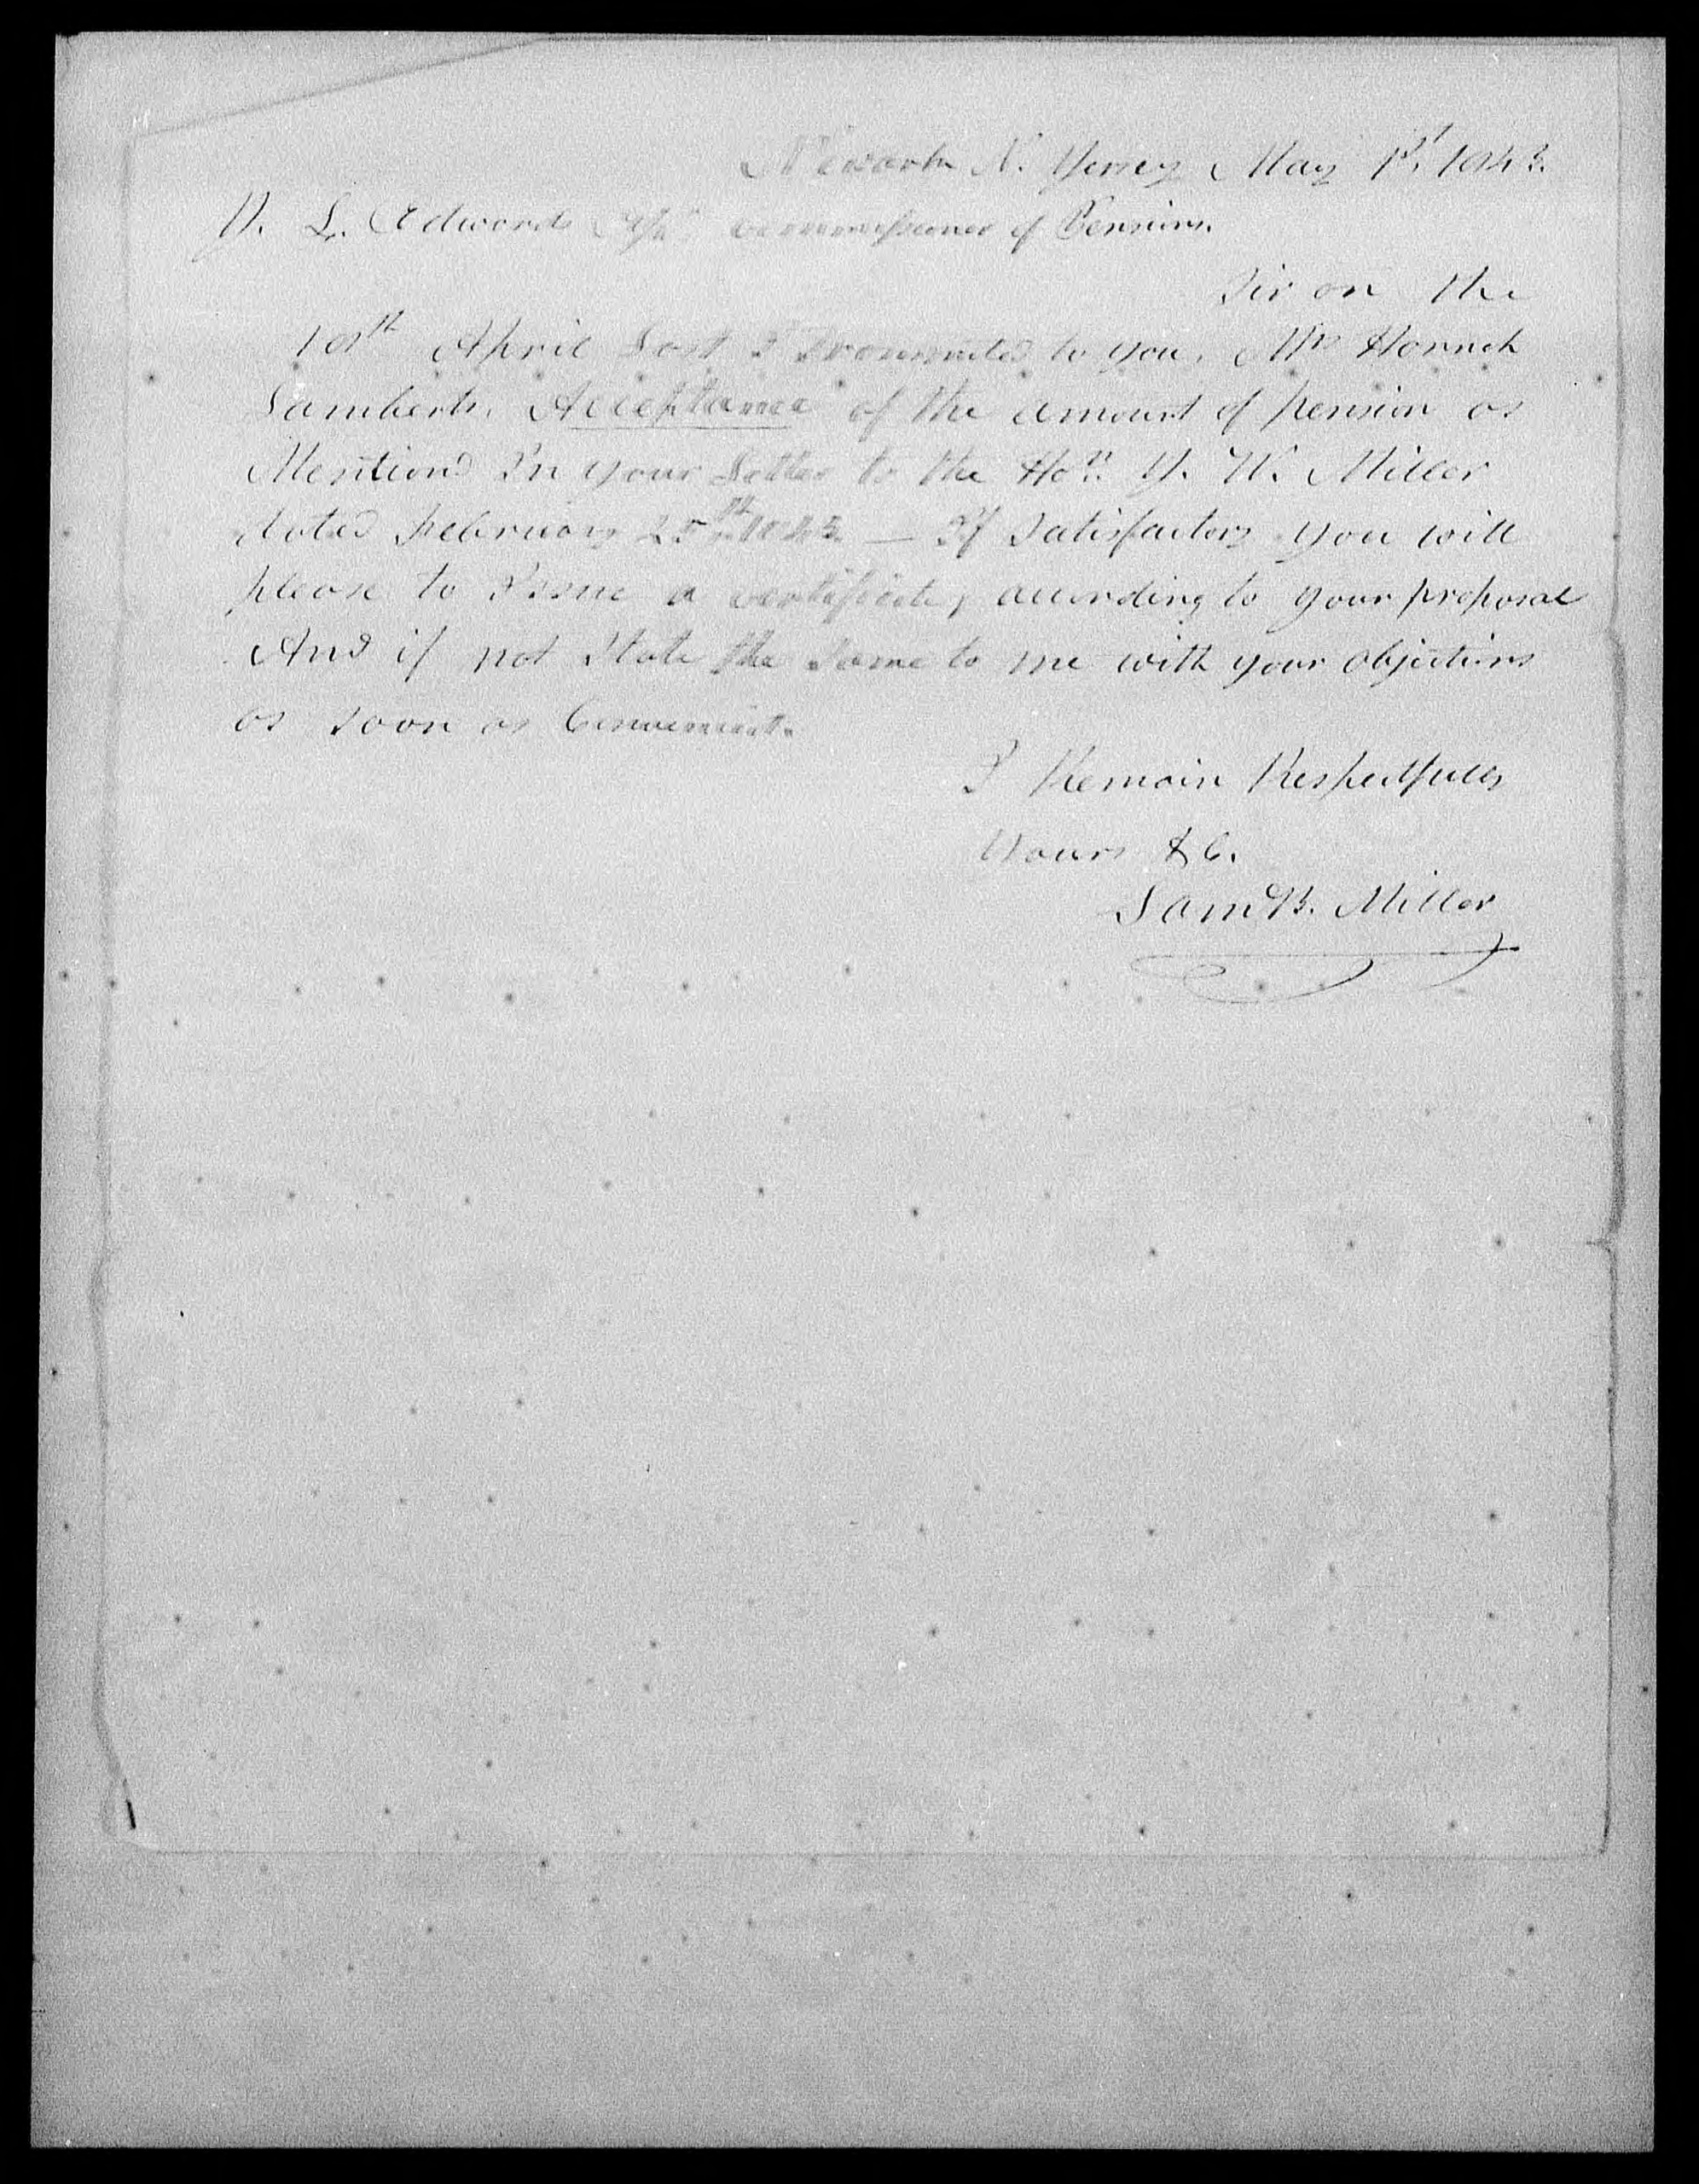Newark N. Jersey May 1st 1843
J. L. Edwards Commissioner of Pensins
Sir on the 10th April last I presented to you, Mrs. Hannah Lamberts "Acceptance" of the amount of pension as Mentioned In your letter to the Hon J. W. Miller dated February 25th - If satisfactory. You will please to Issue a certificate according to your proposal
And if not State the same to me with your objections as soon as Convenient
I Remain Respectfully
Yours &c
Saml B. Miller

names: Hannah Lambert; J L Edwards; Saml B Miller; J W Miller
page: 39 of 49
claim: widow's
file: W. 859, for James Lambert, New Jersey